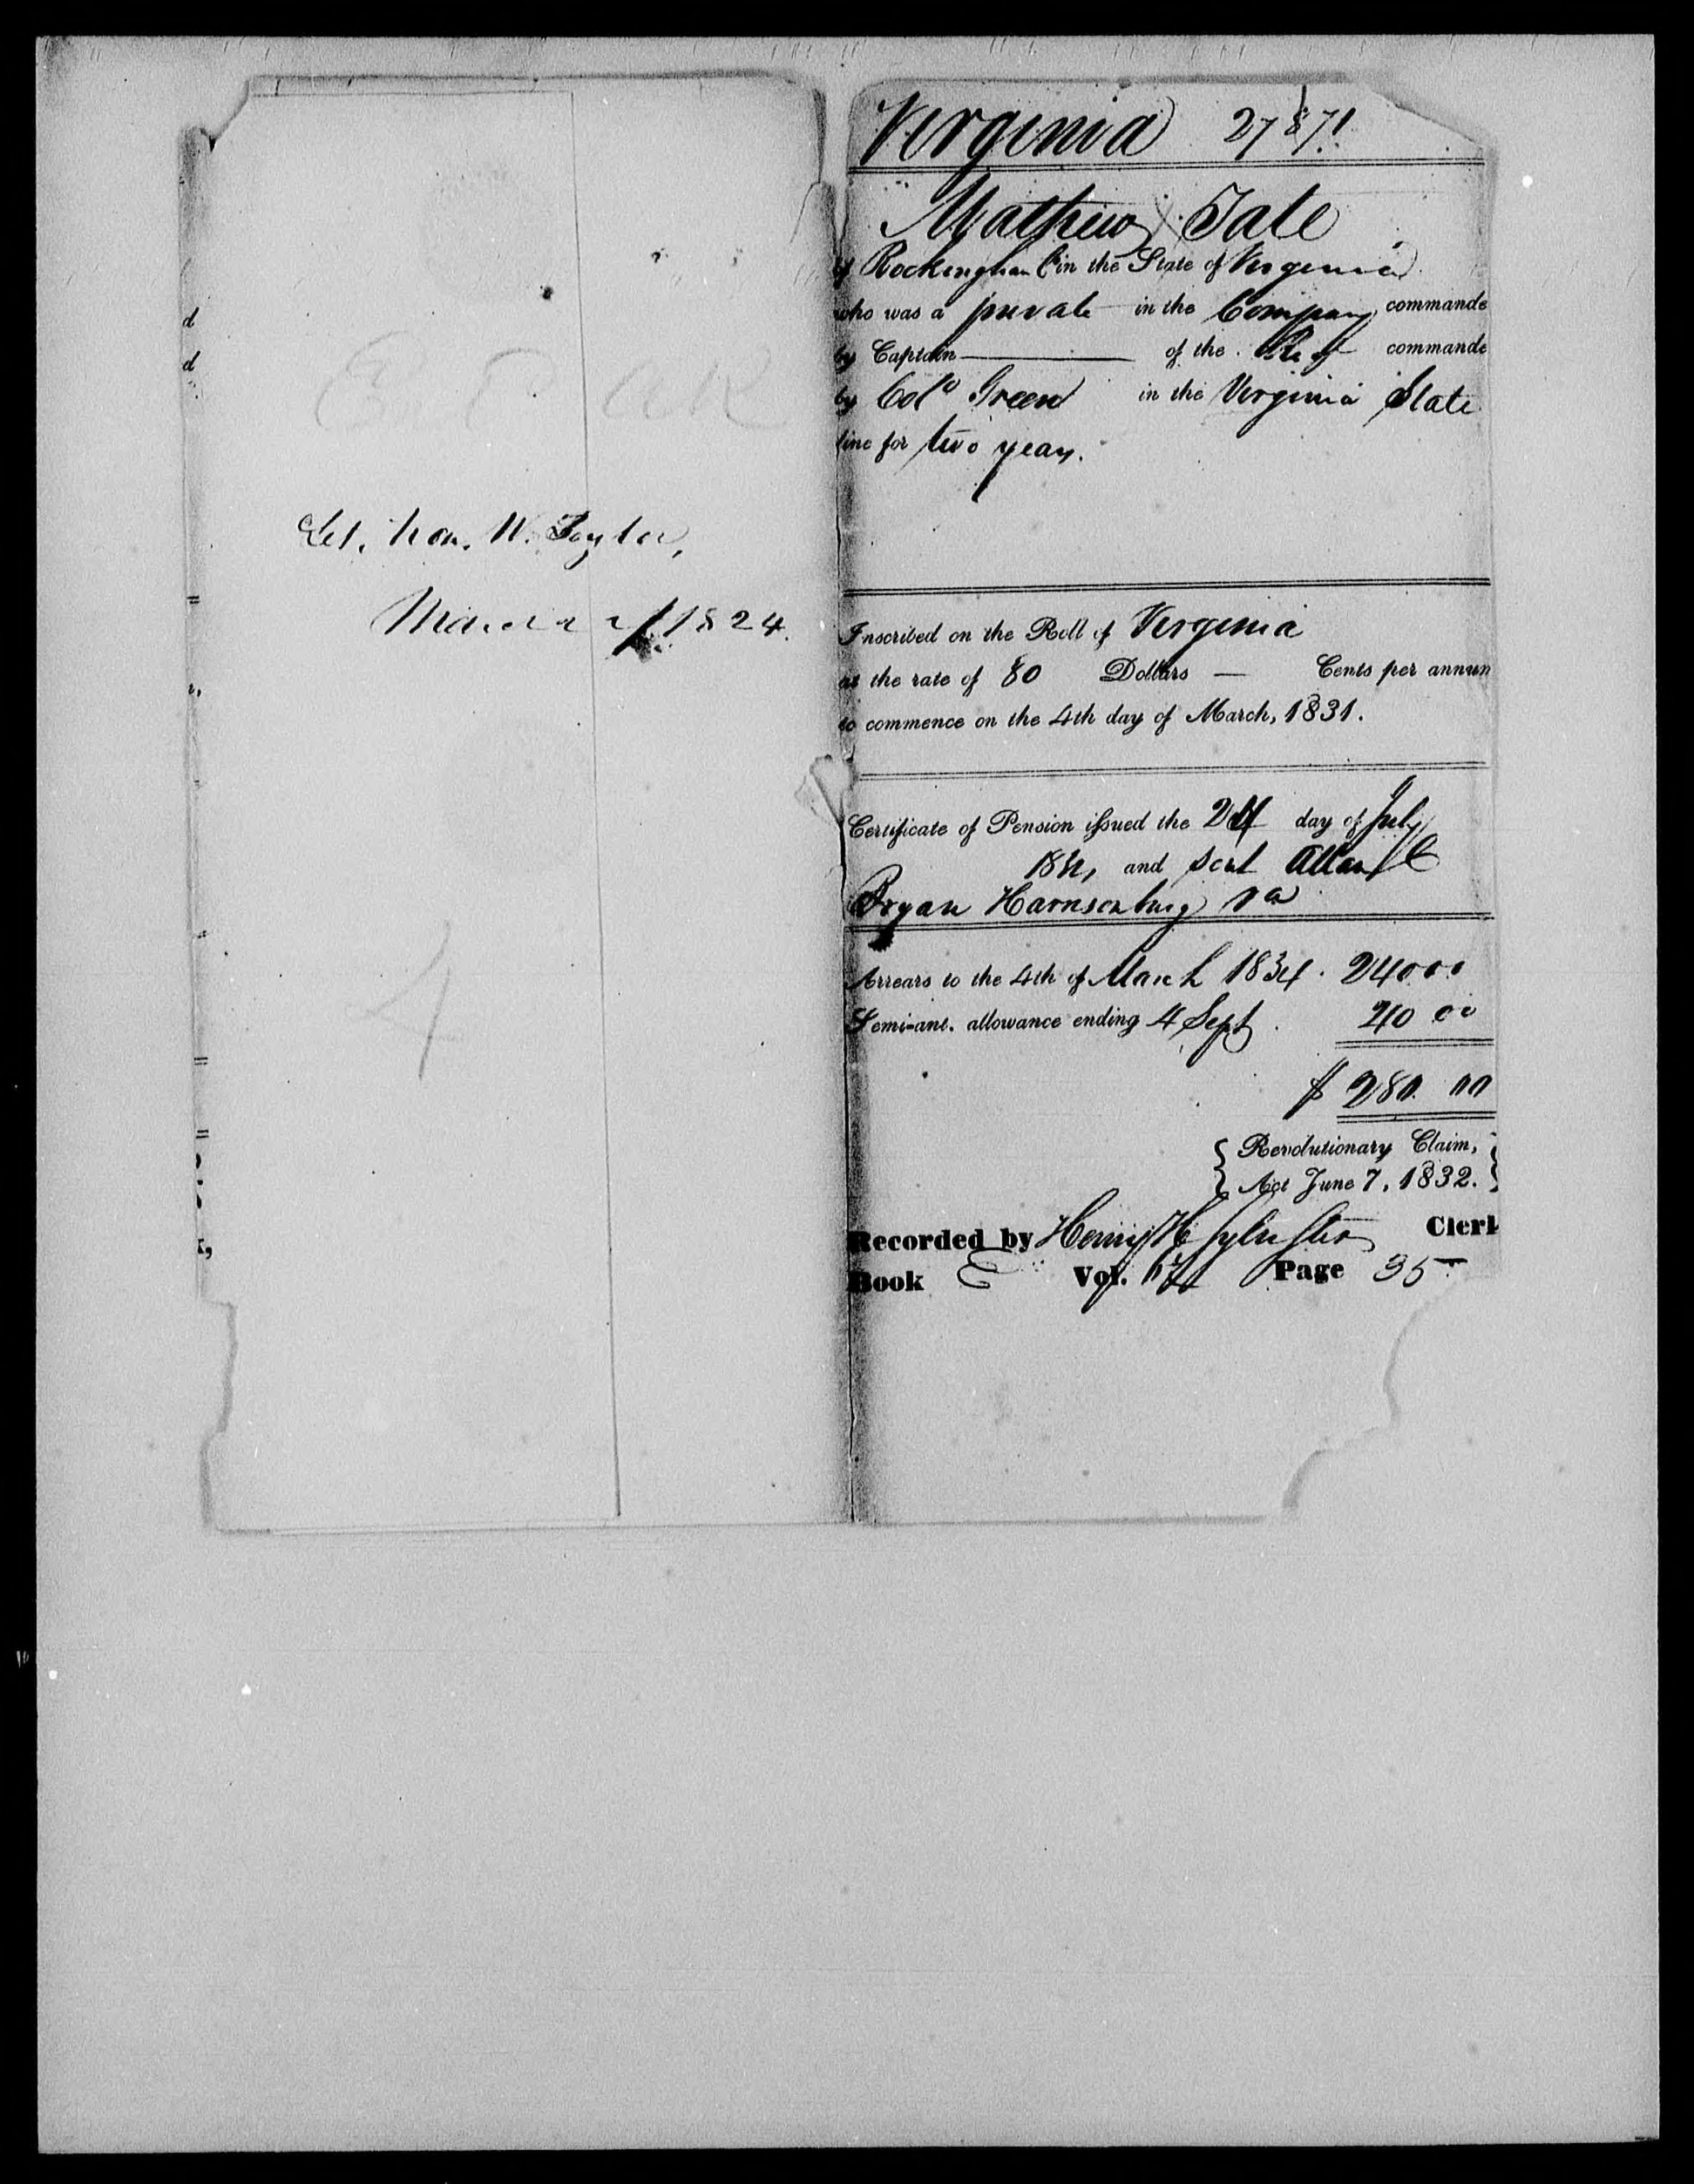E. Hon. W. Taylor,
March
of 
1824
Virginia
27871
Mathew Tate
of Rockingham in the state of Virginia
what was a private in the Company Command
by captain__ of the Cliff Command
by Col. Green 
in the Virginia State
line for two years
inscribed on the Roll of Virginia
as the rate of 80 Dollars __
cents per annum
so commence on the 4th day of March 1831
certificate of Pension issued the 24th day of July
18 h, and pcal allul
Bryan Harsonhing na
Arrears to the 4th of March 1834. 240
Semi-anl. allowance ending 4 Sept. 40.00
$280.00
Revolutionary Claim,
Act June 7, 1832
Recorded by Henry Hyluster Clerk
Book Vol. Page 35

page: 2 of 18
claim: survivor's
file: S. 11,508, for Mathew Tate, Virginia